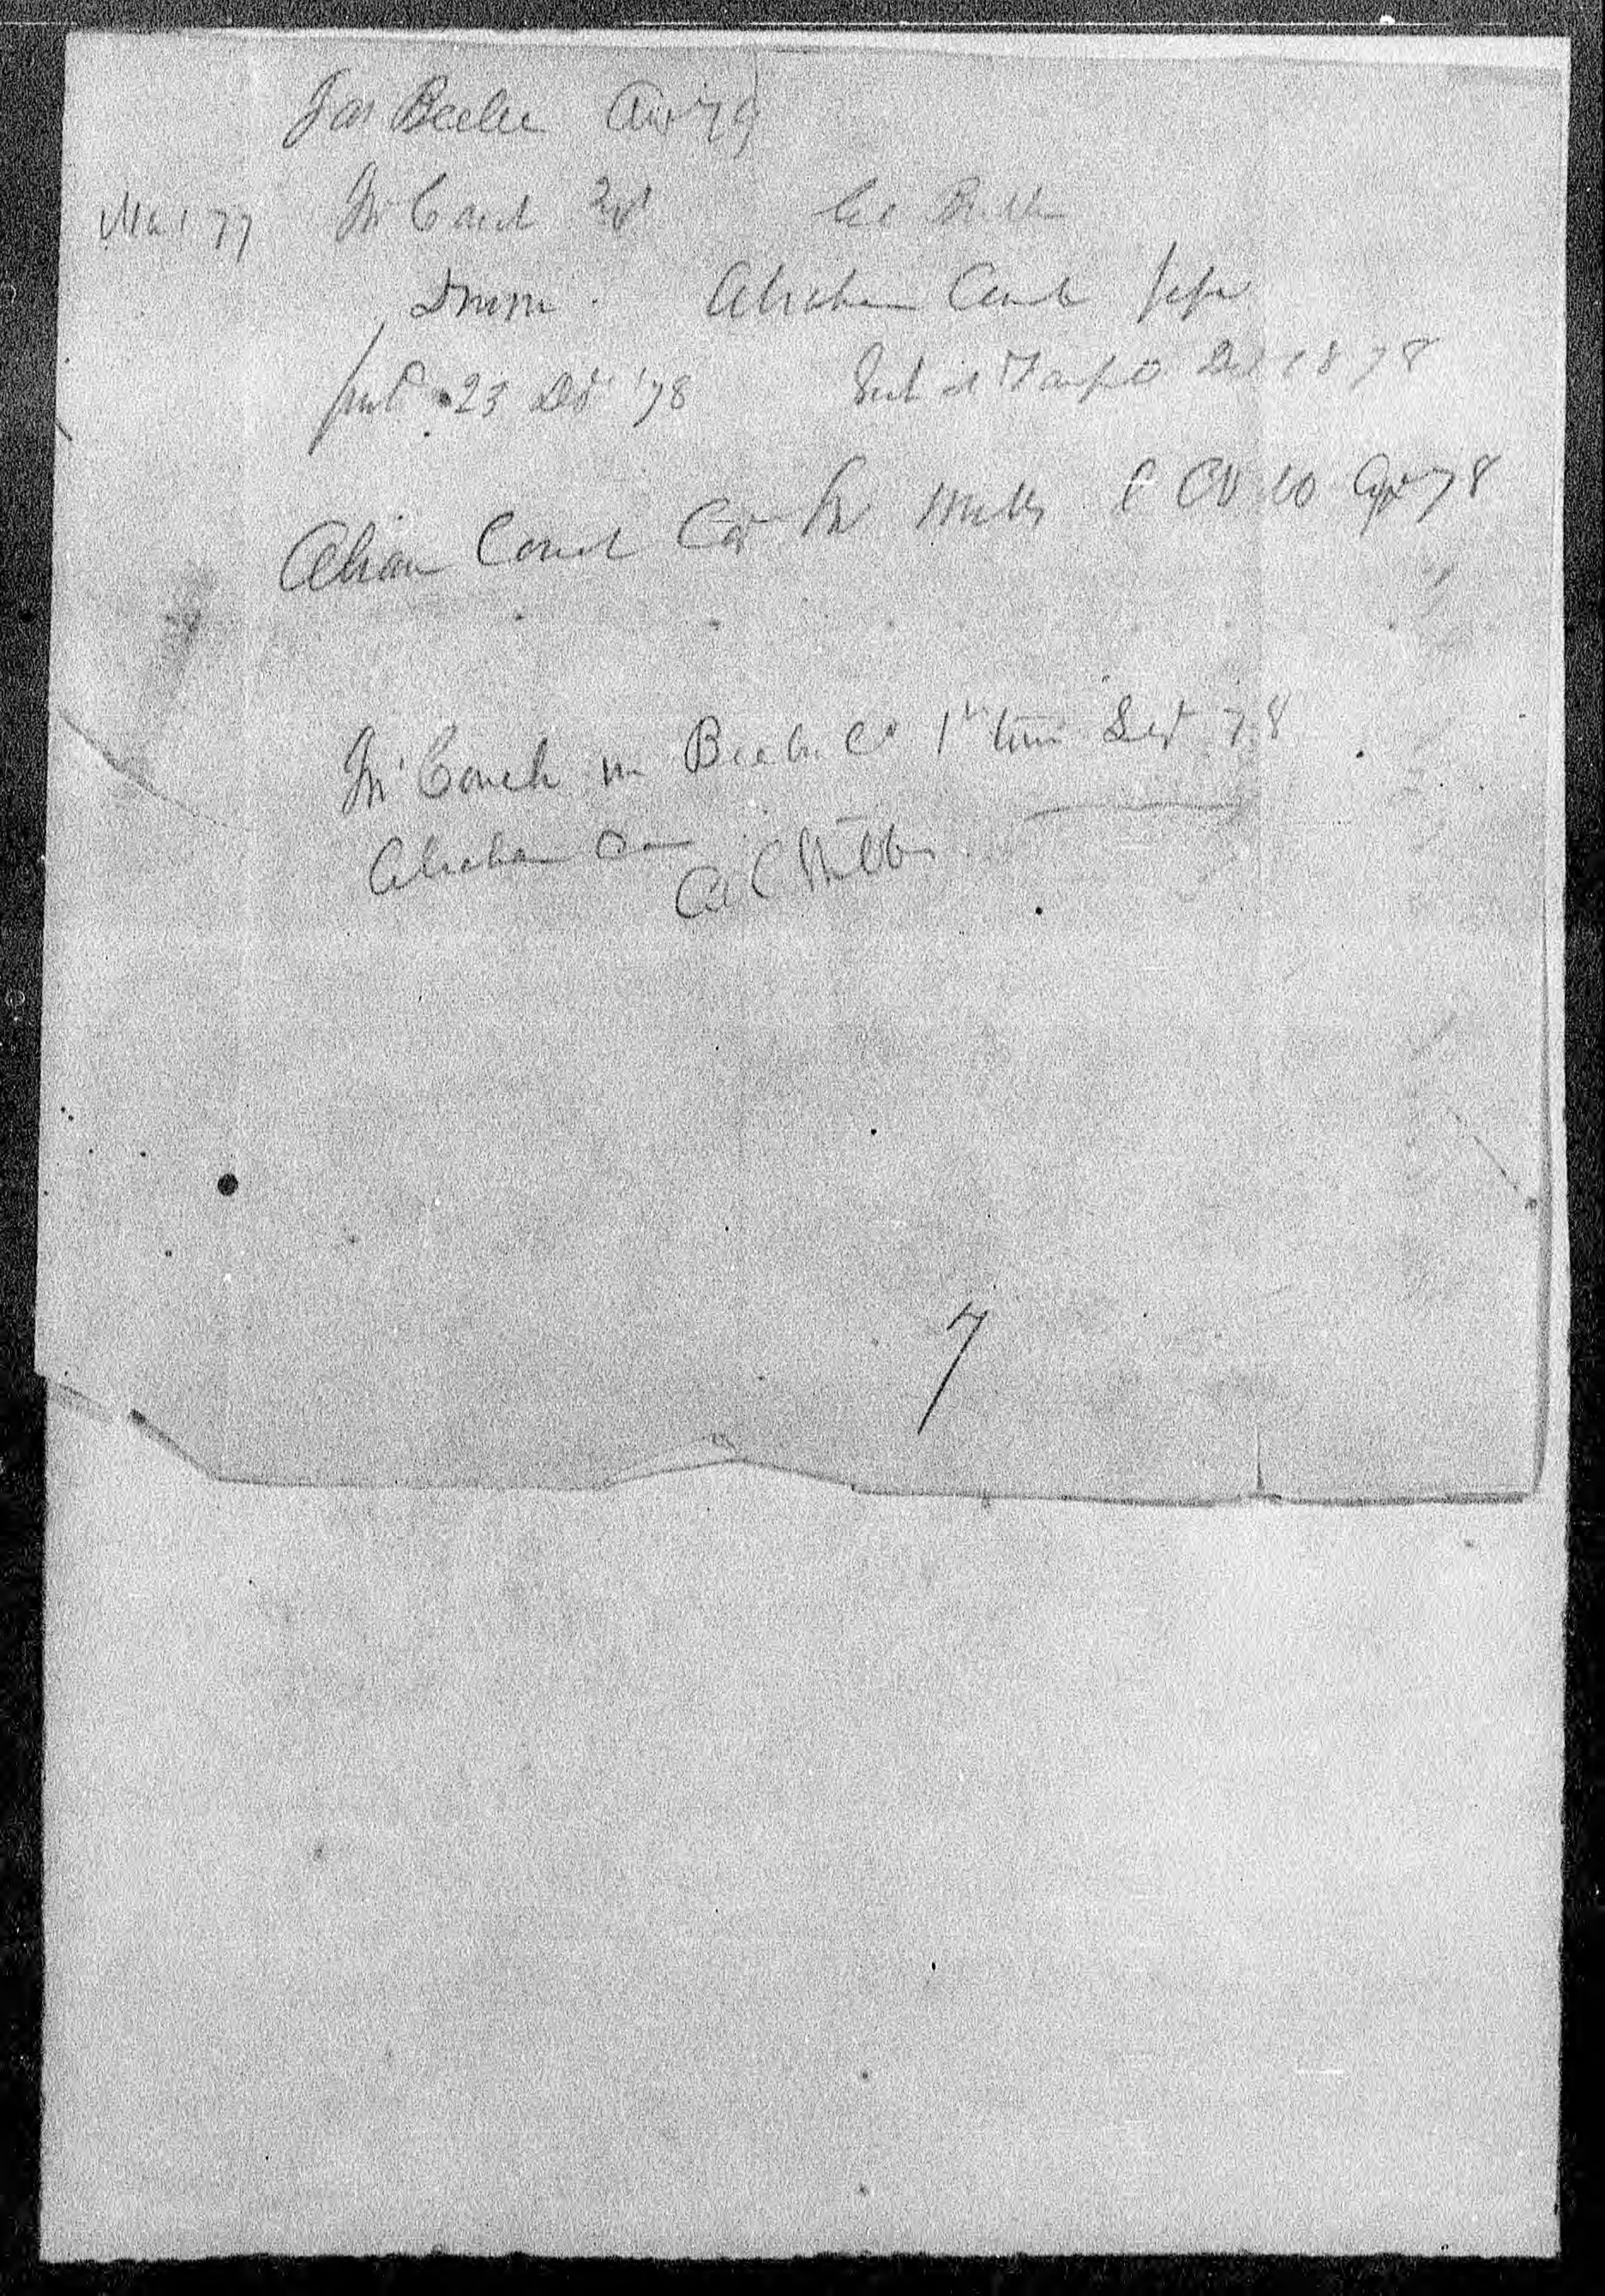Jas Beebe Aug 79
Ma '77 Jn Couch ?
? Abraham Couch fifer
paid 23 Dec. '78                ? Dec. 18 '78
Abraham Couch ?
Jn Couch in Beebe Co. 1st term Sept 78
Abraham Couch
C Chubb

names: Abraham Couch, Jno Couch, Jno Couch, Jas Bedee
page: 29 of 68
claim: rejected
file: R. 2,360, John Couch, Conn.